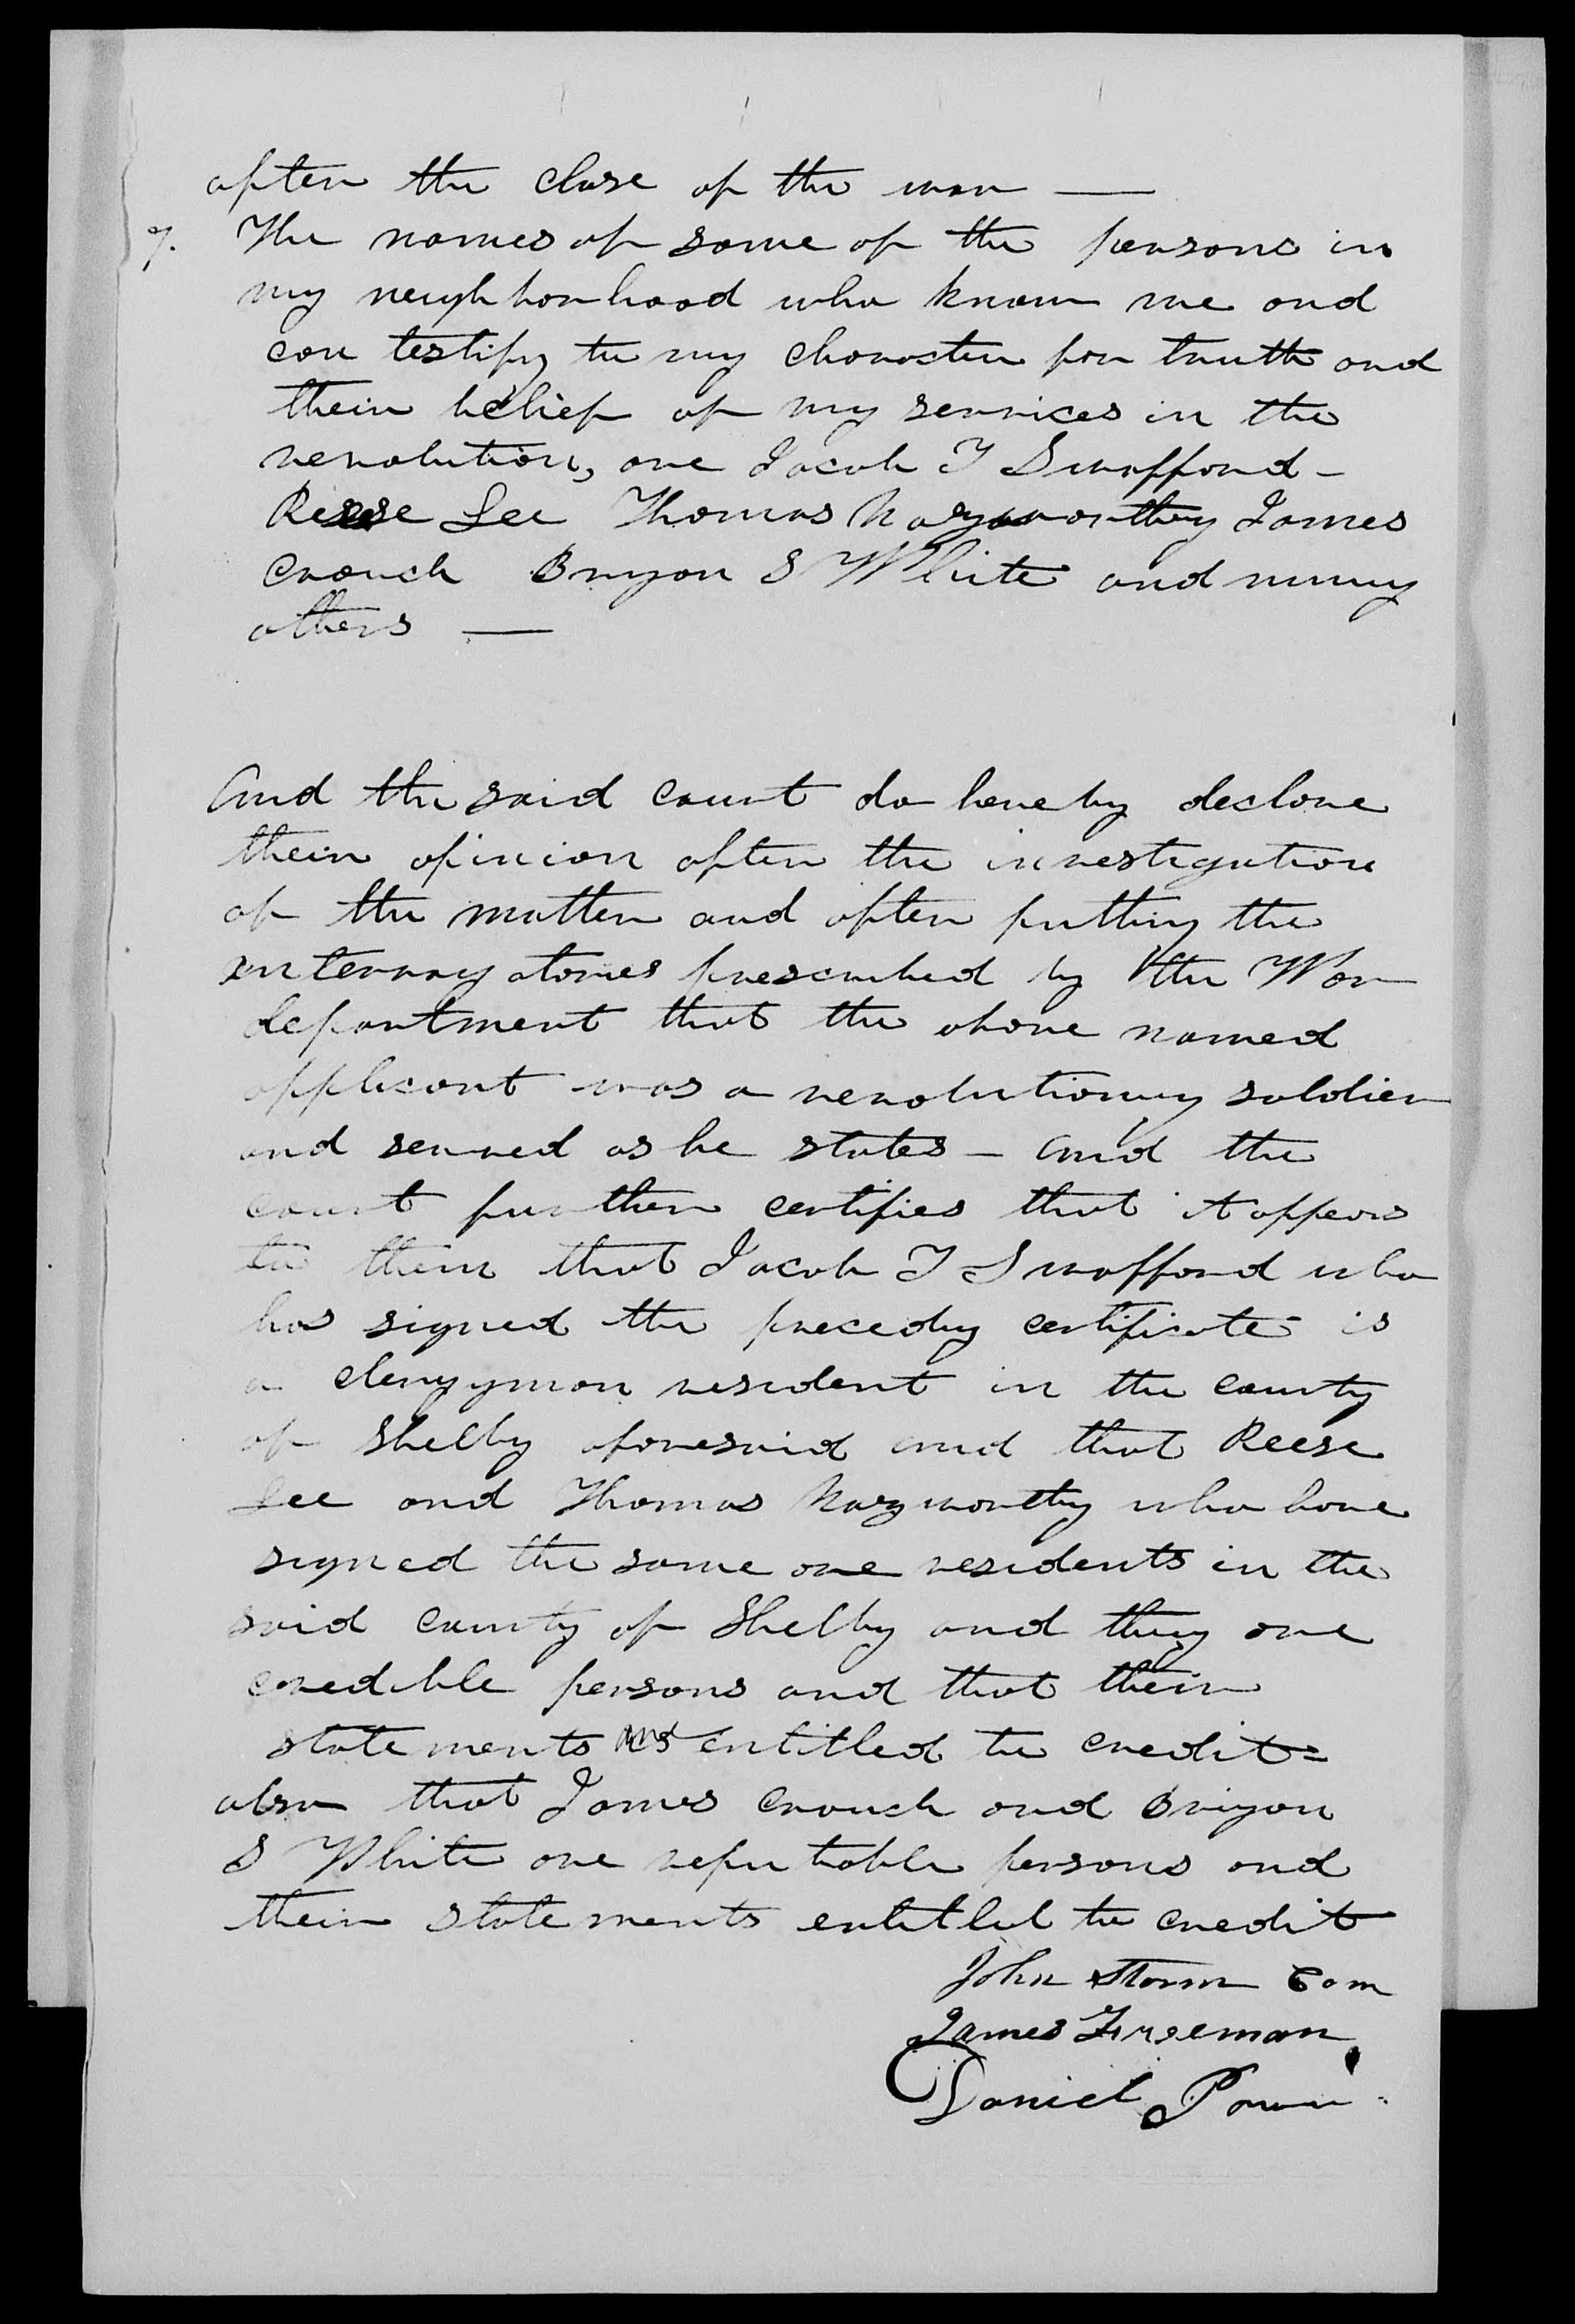often the close of the war - The names of some of the persons in my neighborhood who knew me and can testify to my character for truth and their belief of my services in the revolution, one Jacob T Swafford - Reese Lee Thomas Nazworthey James Crouch Bryon S White and my others 

And the said Court do hereby declare their opinion after the investigation of the matter and after putting the interrogatories prescribed by the War department that the above named applicant was a revolutionary soldier and served as he states- and the Court further certifies that it appears to them that Jacob T Swafford who has signed the [illegible preceiby] certificate is a clergyman resident in the County of Shelby aforesaid and that Reese Lee and Thomas Nazworthy who have signed the same are residents in the said County of Shelby and they are credible persons and that their statements are entitled to credit - also that James Crouch and Bryan S White are reputable persons and their statements entitled to credit 
John Storm Com 
James Freeman 
Daniel Power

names: James Freeman; Jacob T Swafford; John Storm; Daniel Power; Reese Lee; Bryan S White; Thomas Nazworthy; James Crouch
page: 53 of 69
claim: widow's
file: W. 10861, for James Patterson, North Carolina